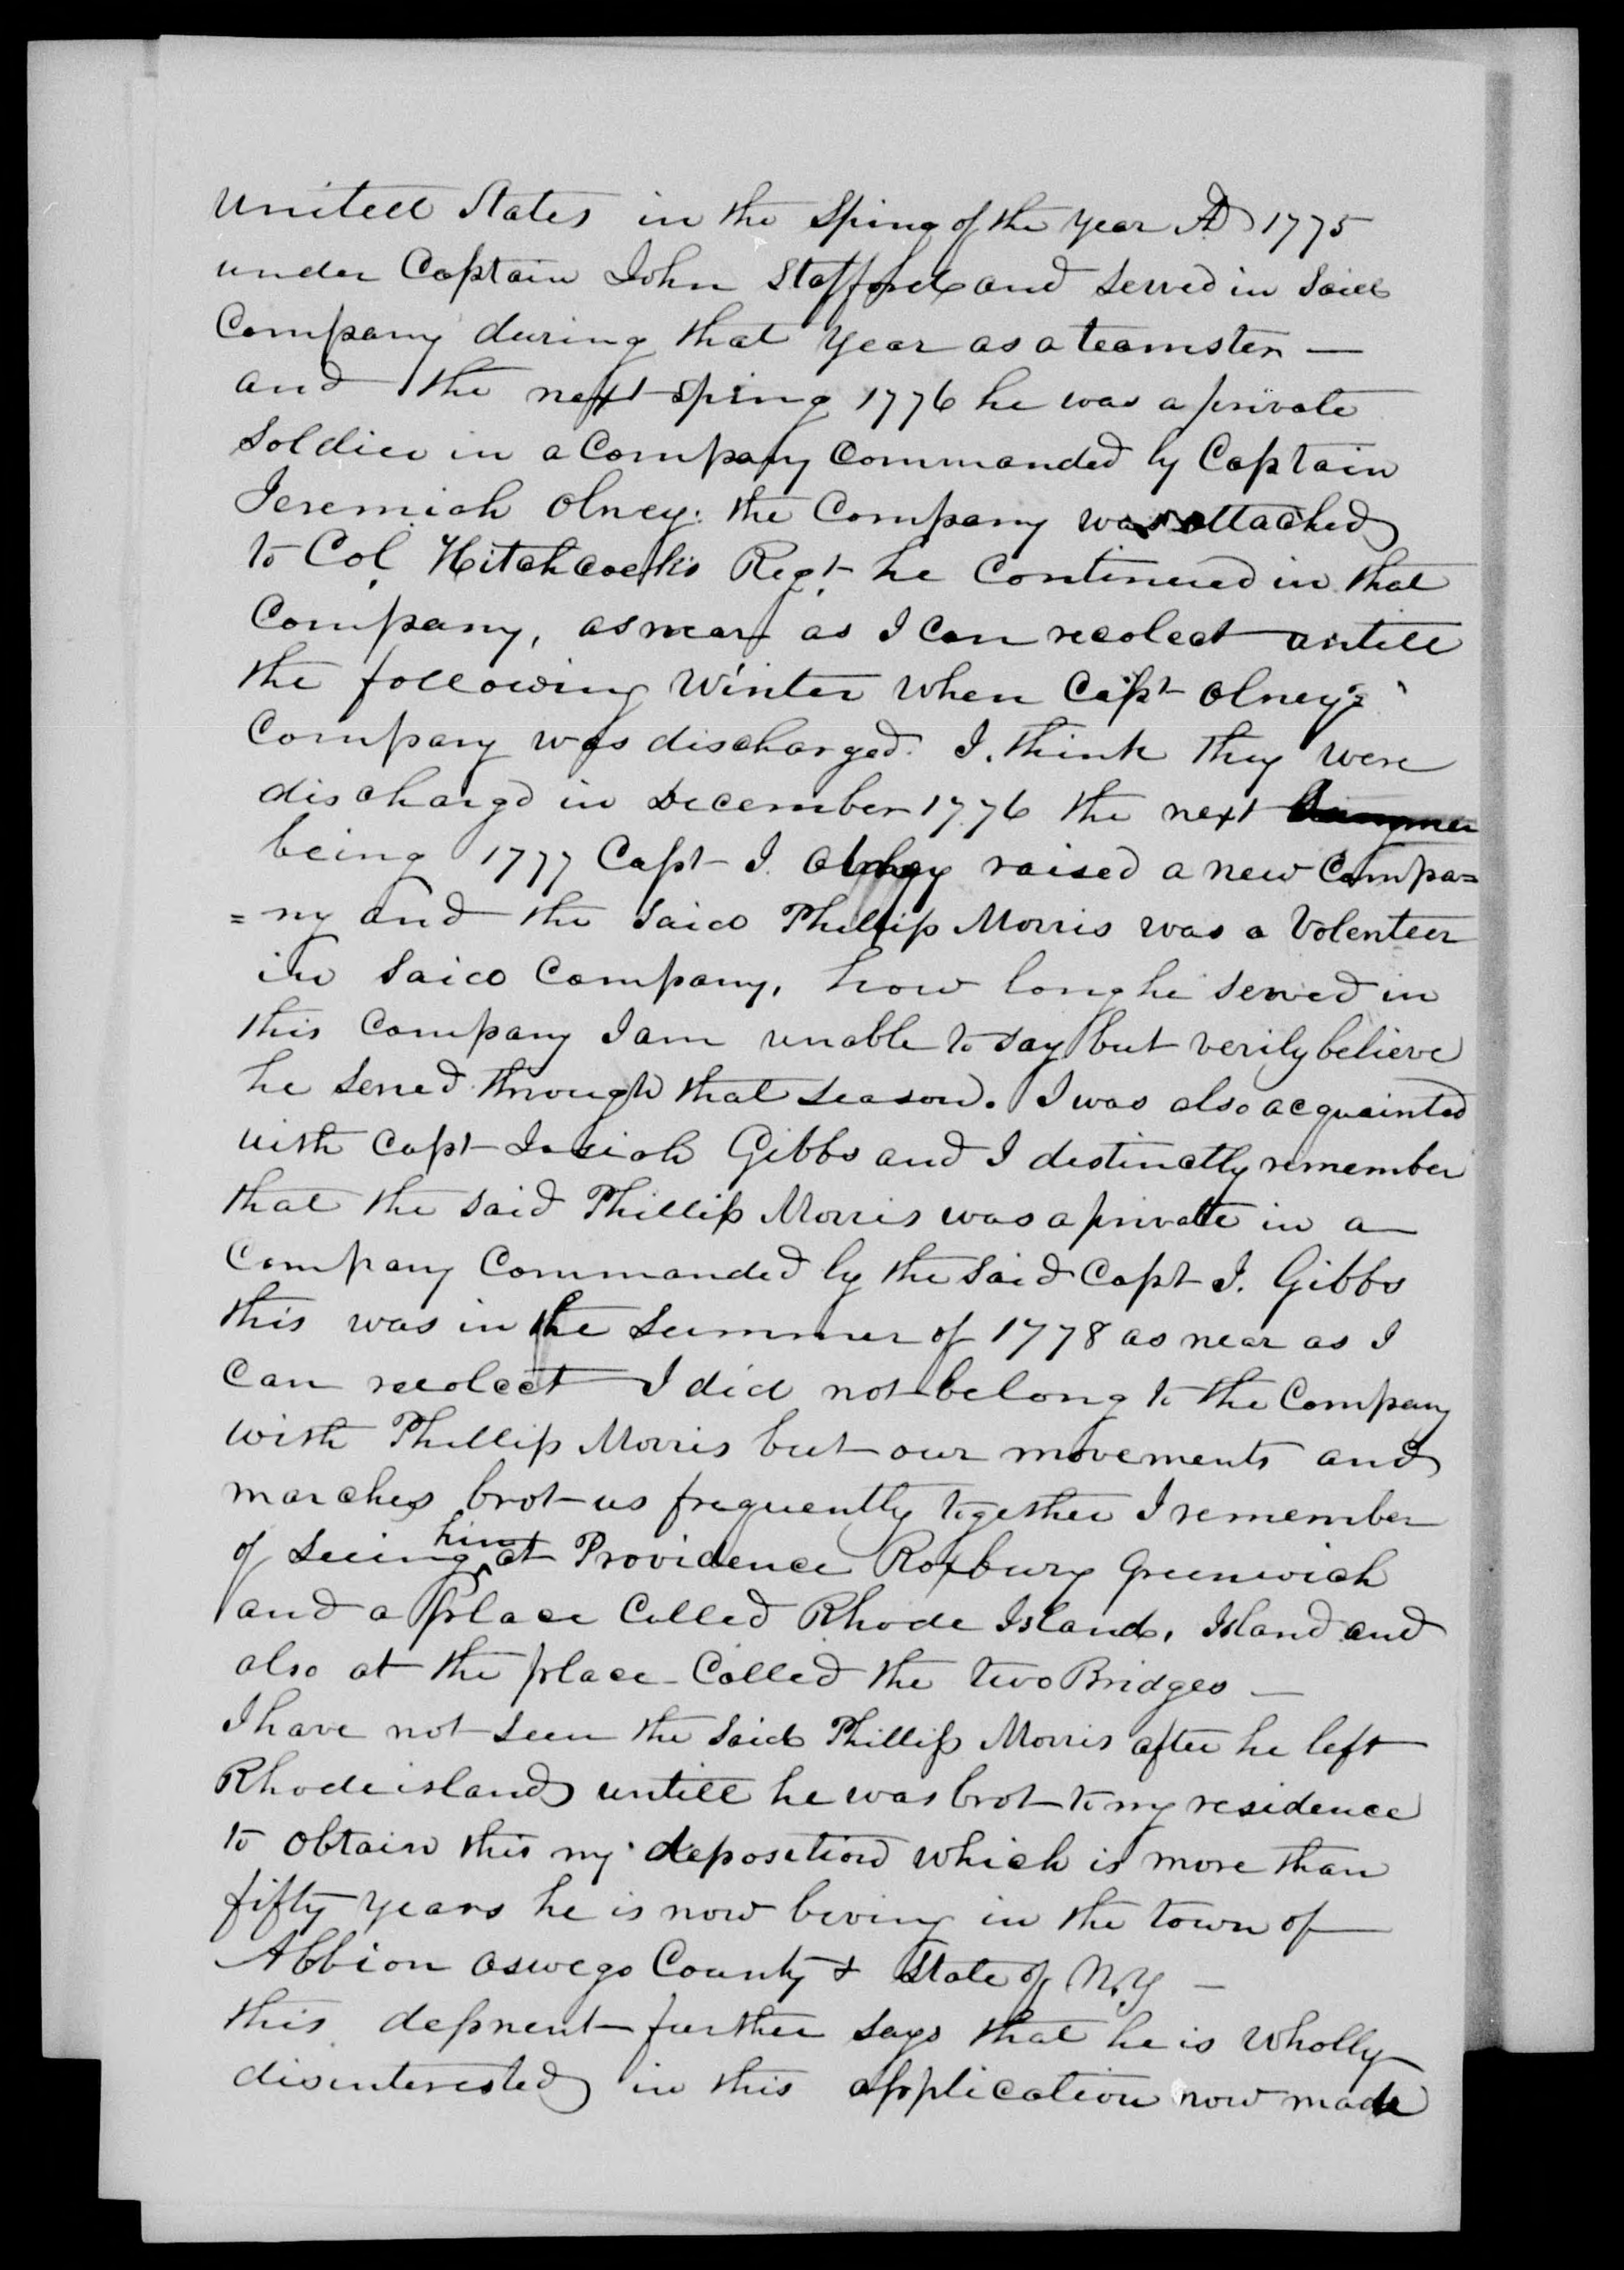United States in the Spring of the year A.D. 1775 under Captain John Stafford and served in said Company during that year as a teamster - and the next spring 1776 he was a private soldier in a Company commanded by Captain Jeremiah Olney. The Company was attached to Col Hitchcock's Regt. he continued in that Company as near as I can recolect until the following winter when Capt. Onley's company was discharged. I think they were discharged in December 1776 the next [illegible] being 1777 Capt.  J. Olney raised a new company and the said Phillip Morris was a volenteer in said Company. How long he served in this company I am unable to say but verily believe he served through that season. I was also acquainted with Capt. Isiah Gibbs and I distinctly remember that the said Phillip Morris was a private in a company commanded by the said Capt. J. Gibbs. that was in the summer of 1778 as near as I can recolect. I did not belong to the Company with Phillip Morris but our movements and marches brot us frequently together I remember of seeing him at Providence Roxbury Greenwich and a place called Rhode Island. Island and also at the place called the Two Bridges - I have not seen the said Phillip Morris after he left Rhode Island untill he was brot to may residence to obtain this my deposition which is more than fifty years he is now being in the town of Albion Oswego County and State of N.Y. - this deponent further says that he is wholly disinterested in this application now made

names: Josiah Gibbs; Jeremiah Olney; Phillip Morris; John Stafford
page: 24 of 44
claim: survivor's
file: S. 28,815, for Philip Morris, Rhode Island